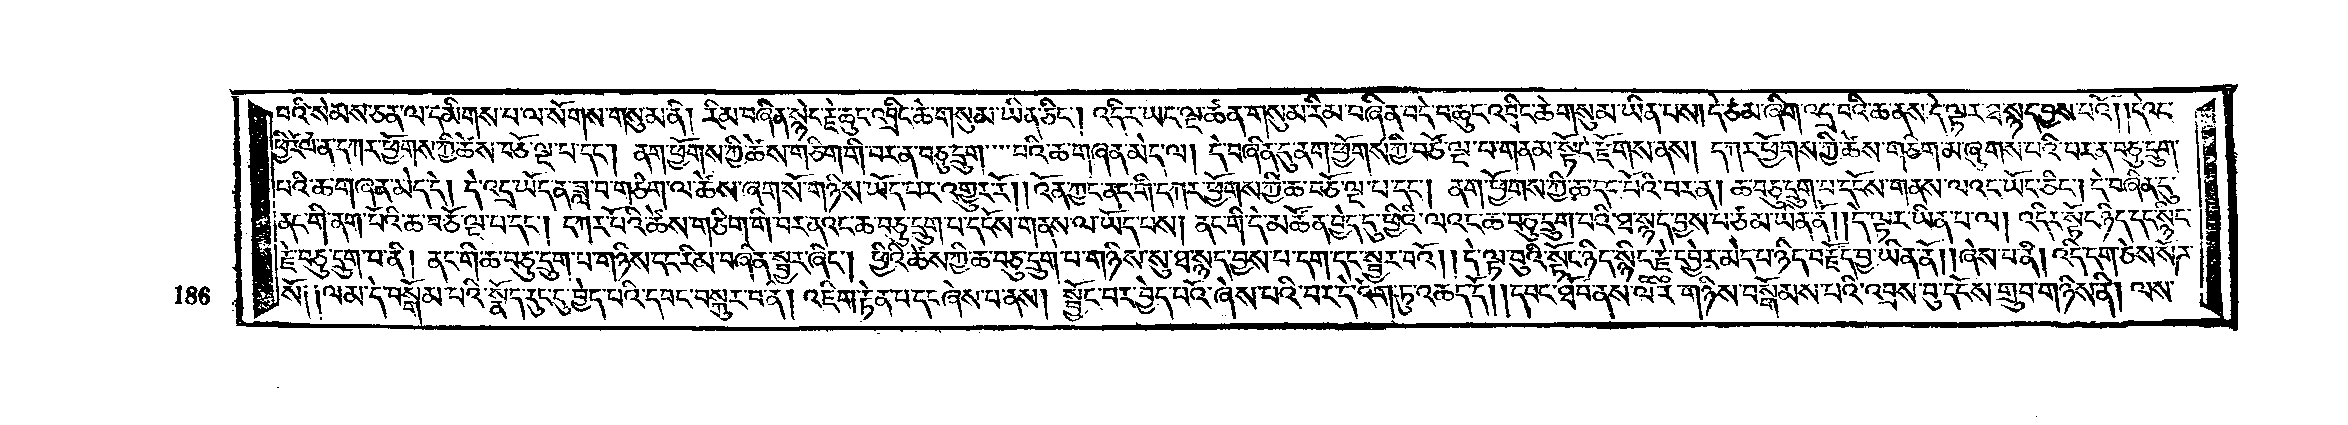བའི་སེམས་ཅན་ལ་དམིགས་པ་ལ་སོགས་གསུམ་ནི། རིམ་བཞིན་སྙིང་རྗེ་ཆུང་འབྲིང་ཆེ་གསུམ་ཡིན་ཅིང་། འདིར་ཡང་ལྔ་ཚན་གསུམ་རིམ་བཞིན་བདེ་བ་ཆུང་འབྲིང་ཆེ་གསུམ་ཡིན་པས། དེ་ཙམ་ཞིག་འདྲ་བའི་ཆ་ནས་དེ་ལྟར་ཐ་སྙད་བྱས་པའོ། །དེའང་
ཕྱི་རོལ་ན་དཀར་ཕྱོགས་ཀྱི་ཚེས་བཅོ་ལྔ་པ་དང་། ནག་ཕྱོགས་ཀྱི་ཚེས་གཅིག་གི་བར་ན་བཅུ་དྲུག་པའི་ཆ་གཞན་མེད་ལ། དེ་བཞིན་དུ་ནག་ཕྱོགས་ཀྱི་བཅོ་ལྔ་པ་གནམ་སྟོང་རྫོགས་ནས། དཀར་ཕྱོགས་ཀྱི་ཚེས་གཅིག་མ་ཞུགས་པའི་བར་ན་བཅུ་དྲུག་
པའི་ཆ་གཞན་མེད་དེ། དེ་འདྲ་ཡོད་ན་ཟླ་བ་གཅིག་ལ་ཚེས་ཞག་སོ་གཉིས་ཡོད་པར་འགྱུར་རོ། །འོན་ཀྱང་ནང་གི་དཀར་ཕྱོགས་ཀྱི་ཆ་བཅོ་ལྔ་པ་དང་། ནག་ཕྱོགས་ཀྱི་ཆ་དང་པོའི་བར་ན། ཆ་བཅུ་དྲུག་པ་དངོས་གནས་ལའང་ཡོད་ཅིང་། དེ་བཞིན་དུ་
ནང་གི་ནག་པོའི་ཆ་བཅོ་ལྔ་པ་དང་། དཀར་པོའི་ཚེས་གཅིག་གི་བར་ནའང་ཆ་བཅུ་དྲུག་པ་དངོས་གནས་ལ་ཡོད་པས། ནང་གི་དེ་མཚོན་བྱེད་དུ་ཕྱིའི་ལའང་ཆ་བཅུ་དྲུག་པའི་ཐ་སྙད་བྱས་པ་ཙམ་ཡིན་ནོ། །དེ་ལྟར་ཡིན་པ་ལ། འདིར་སྟོང་ཉིད་དང་སྙིང་
རྗེ་བཅུ་དྲུག་པ་ནི། ནང་གི་ཆ་བཅུ་དྲུག་པ་གཉིས་དང་རིམ་བཞིན་སྦྱར་ཞིང་། ཕྱིའི་ཚེས་ཀྱི་ཆ་བཅུ་དྲུག་པ་གཉིས་སུ་ཐ་སྙད་བྱས་པ་དག་དང་སྦྱར་བའོ། །དེ་ལྟ་བུའི་སྟོང་ཉིད་སྙིང་རྗེ་དབྱེར་མེད་པ་ཉིད་བརྗོད་བྱ་ཡིན་ནོ། །ཞེས་པ་ནི། འདི་དག་ཅེས་སོགས་
སོ། །ལམ་དེ་བསྒོམ་པའི་སྣོད་རུང་དུ་བྱེད་པའི་དབང་བསྐུར་བ་ནི། འཇིག་རྟེན་པ་དང་ཞེས་པ་ནས། སྦྱོང་བར་བྱེད་པའོ་ཞེས་པའི་བར་དེ་འོག་ཏུ་འཆད་དོ། །དབང་ཐོབ་ནས་ལམ་རིམ་གཉིས་བསྒོམས་པའི་འབྲས་བུ་དངོས་གྲུབ་གཉིས་ནི། ལས་